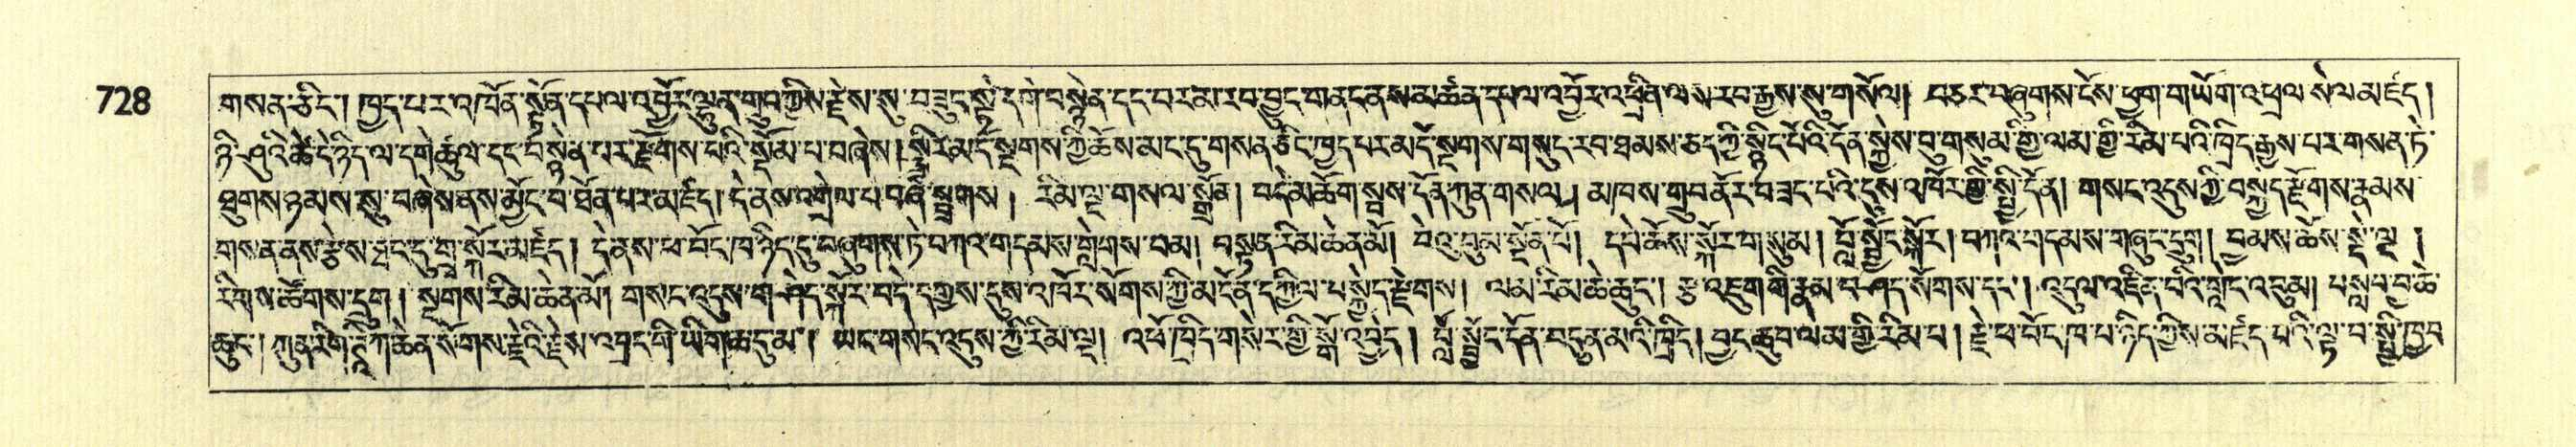གསན་ཅིང་། ཁྱད་པར་འཁོན་སྟོན་དཔལ་འབྱོར་ལྷུན་གྲུབ་ཀྱིས་རྗེས་སུ་བཟུང་སྟེ་དགེ་བསྙེན་དང་བར་མ་རབ་བྱུང་གནང་ནས་མཚན་དཔལ་འབྱོར་འཕྲིན་ལས་རབ་རྒྱས་སུ་གསོལ། བཅར་བཞུགས་ངོས་ཕྱག་གཡོག་འཕྲལ་སེལ་མཛད།
ཉི་ཤུའི་ཚེ་དེ་ཉིད་ལ་དགེ་ཚུལ་དང་བསྙེན་པར་རྫོགས་པའི་སྡོམ་པ་བཞེས། སྡིར?་མདོ་སྔགས་ཀྱི་ཆོས་མང་དུ་གསན་ཅིང་ཁྱད་པར་མདོ་སྔགས་གསུང་རབ་ཐམས་ཅད་ཀྱི་སྙིང་པོའི་དོན་སྐྱེས་བུ་གསུམ་གྱི་ལམ་གྱི་རིམ་པའི་ཁྲིད་རྒྱས་པར་གསན་ཏེ་
ཐུགས་ཉམས་སུ་བཞེས་ནས་མྱོང་བ་ཐོན་པར་མཛད། དེ་ནས་འགྲེལ་པ་བཞི་སྦྲགས། རིམ་ལྔ་གསལ་སྒྲོན། བདེ་མཆོག་སྦས་དོན་ཀུན་གསལ། མཁས་གྲུབ་ནོར་བཟང་པའི་དུས་འཁོར་གྱི་སྤྱི་དོན། གསང་འདུས་ཀྱི་བསྐྱེད་རྫོགས་རྣམས་
གསན་ནས་རྩེས་ཐང་དུ་གྲྭ་སྐོར་མཛད། དེ་ནས་ཕ་བོད་ཁ་ཉིད་དུ་བཞུགས་ཏེ་བཀའ་གདམས་གླེགས་བམ། བསྟན་རིམ་ཆེན་མོ། བེའུ་བུམ་སྔོན་པོ། དཔེ་ཆོས་སྐོར་གསུམ། བློ་སྦྱོང་སྐོར། བཀའ་གདམས་གཞུང་དྲུག། བྱམས་ཆོས་སྡེ་ལྔ།
རིགས་ཚོགས་དྲུག། སྔགས་རིམ་ཆེན་མོ། གསང་འདུས་གཤེད་སྐོར་བདེ་དགྱས་དུས་འཁོར་སོགས་ཀྱི་མངོན་དཀྱིལ་བསྐྱེད་རྫོགས། ལམ་རིམ་ཆེ་ཆུང་། རྩ་འཇུག་གི་རྣམ་བཤད་སོགས་དང་། འདུལ་འཛིན་པའི་གླེང་འབུམ། བསླབ་བྱ་ཆེ་
ཆུང་། ཀུན་རིག་ཊཱིཀ་ཆེན་སོགས་རྗེའི་རྗེས་འབྲང་གི་ཡིག་ཆ་དུ་མ། ཡང་གསང་འདུས་ཀྱི་རིམ་ལྔ། འཕོ་ཁྲིད་གསེར་གྱི་སྒོ་འབྱེད། བློ་སྦྱོང་དོན་བདུན་མའི་ཁྲིད། བྱང་ཆུབ་ལམ་གྱི་རིམ་པ། རྗེ་ཕ་བོང་ཁ་པ་ཉིད་ཀྱིས་མཛད་པའི་ལྟ་པ་སྤྱི་ཁྱབ་